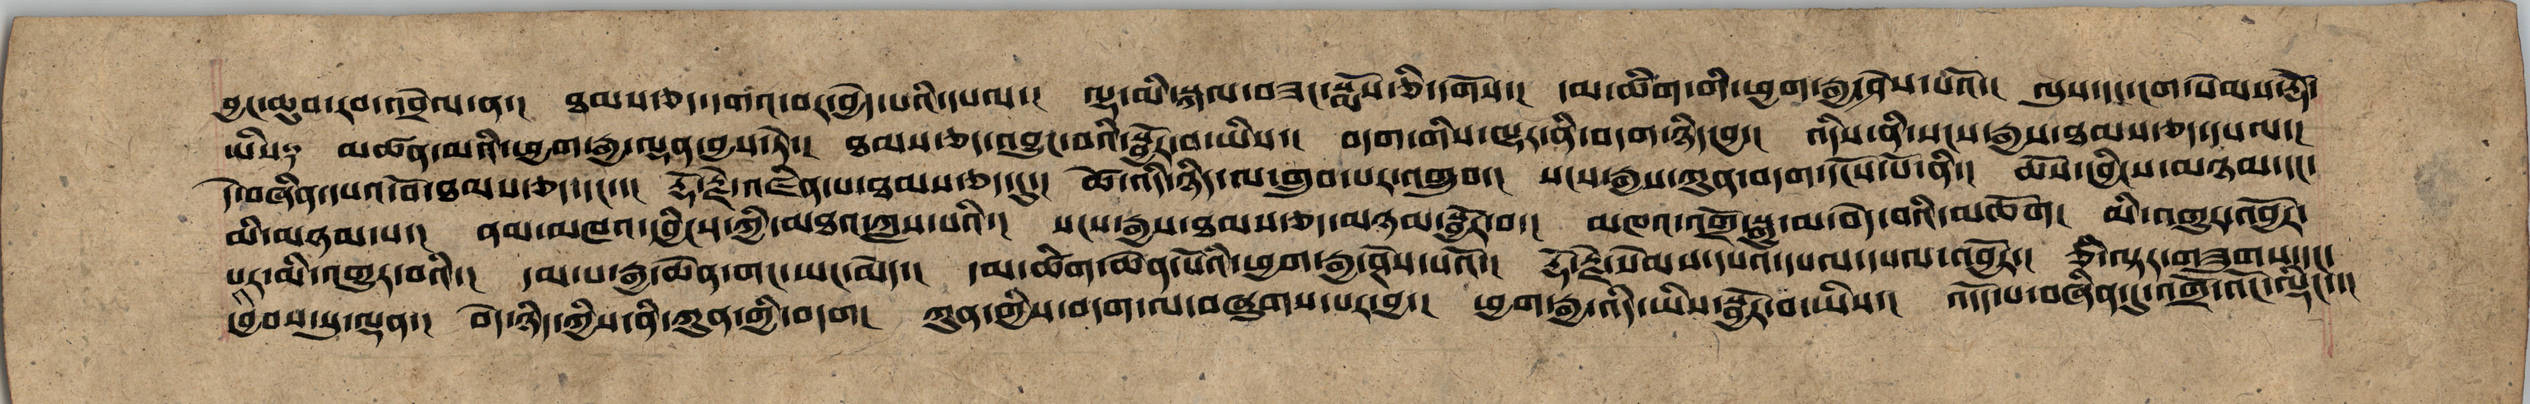བྱང་ཆུབ་རབ་འབྲེལ་ན་། ཐམས་ཅད་དགའ་བར་བྱེད་པའི་དཔལ་། ལྷ་མི་སྐལ་བཟང་སྨོས་ཅི་དགོས་། དམ་ཚིག་གི་ཕྱག་རྒྱ་ཤེས་པའོ་། ལུས་དང་ངག་སེམས་རྡོེ་
ཡིས༑ མཚན་མའི་ཕྱག་རྒྱ་ལྡན་བྱས་ཏེ་། ཐམས་ཅད་འབྱུང་བའི་སྦྱོར་བ་ཡིས་། བདག་གིས་ལྷར་ནི་བདག་ཉིད་བྱ་། འདིས་ནི་སངས་རྒྱས་ཐམས་ཅད་དཔལ་།
དེ་བཞིན་དཔའ་བོ་ཐམས་ཅད་དང་་། རྡོ་རྗེ་འཛིན་པ་ཐམས་ཅད་དུ་། ཚེ་འདི་ཉིད་ལ་གྲུབ་པར་འགྲུབ་། སངས་རྒྱས་ཀུན་བདག་དངོས་པོ་ནི་། ཆོས་དབྱིངས་མཉམ་དང་
མི་མཉམ་པ་། ནམ་མཁའ་དབྱིངས་ཀྱི་མཐའ་ཀླས་པའི་། སངས་རྒྱས་ཐམས་ཅད་མཉམ་སྦྱོར་བ་། མཁའ་འགྲོ་སྒྱུ་མ་བདེ་བའི་མཆོག། མི་འགྱུར་འབྱོར་
པར་མི་འགྱུར་བའི་། དམ་པ་རྒྱ་ཆེན་གང་ཡང་མེད་། དམ་ཚིག་ཆེན་པོའི་ཕྱག་རྒྱ་ཤེས་པའོ་། རྡོ་རྗེ་སེམས་དཔའ་དཔལ་དཔལ་འབྱོར་། ཅི་ལྟར་གཟུགས་
དབྱིབས་སུ་ལྡན་། བདེ་ཉིད་ཀྱིས་ནི་ཀུན་གྱི་བདག། ཀུན་གྱིས་བདག་ལ་བཞུགས་པར་བྱ་། ཕྱག་རྒྱ་འདི་ཡིས་སྦྱོར་བ་ཡིས་། འདོད་པ་བཞིན་དུ་འགྲོ་འོང་ལྡིང་་།